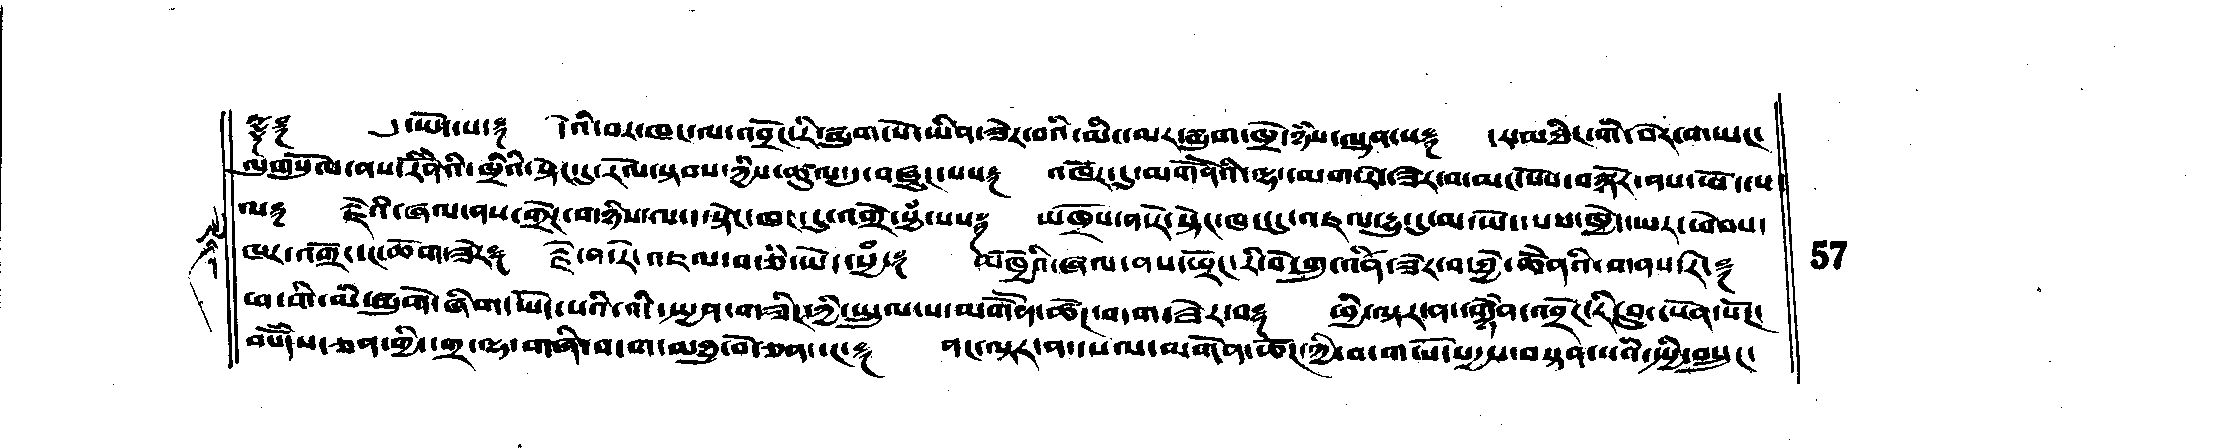དུ་ཡོད་པ། དེའི་བར་ཁང་ལ་འབྲོང་རི་སྨུག་པོ་ཡིན་ཟེར་བའི་མིག་དམར་སྨུག་ཁྲོ་ཉམས་ལྡན་པ། དར་མཐིང་གི་བེར་གཡང་
ལུགས་སུ་གསོལ་ནས་རིན་པོ་ཆེའི་ཁྲིའི་སྟེང་དུ་རོལ་སྟབས་ཀྱིས་ཚུལ་དུ་བཞུགས་པས། འཁོར་དུ་མགོན་པོའི་ལྷ་དམག་རེད་ཟེར་བ་མང་པོས་བསྐོར་ནས་ཡོད་པ་
ལ། རྗེའི་ཞལ་ནས་གྲོགས་གཉིས་ལ་ད་སྟེང་ཁང་དུ་འགྲོ་གསུངས་པས། མཁའ་འགྲོ་ན་རེ་སྟེང་ཁང་དུ་མཇལ་རྒྱུ་དུ་མ་ཡོད་པས་ཁྱེད་ཡར་ཕེབས་
ཁར་འགྲོ་དང་ཆོག་ཟེར། རྗེ་ན་རེ་མཇལ་བ་ཅི་ཡོད་གསུང་། མཁའ་འགྲོའི་ཞལ་ནས་ཕོ་བྲང་རི་བོ་གྲུ་འཛིན་ཟེར་བ་ཐུགས་རྗེ་ཆེན་པོའི་གནས་རེད། 
ཕ་གི་མི་སྨུག་པོ་ཞིག་ཡོད་པ་འདི་སྤྱན་གཟིགས་ཀྱི་སྤྲུལ་པ་མགོན་པོ་ཚོགས་བདག་ཟེར་བ། ཕྱི་ལྟར་ན་དཔལ་དགེ་བསྙེན་འབྲོང་རི་བླ་དཔོན་སོགས་
བསོད་ནམས་ཅན་གྱི་དགྲ་ལྷ་གཞི་བདག་མཐུ་བོ་དང་། ནང་ལྟར་ན་དཔལ་མགོན་ཚོགས་ཀྱི་བདག་པོ་སངས་རྒྱས་བསྟན་པའི་སྤྱི་བསྲུང་།